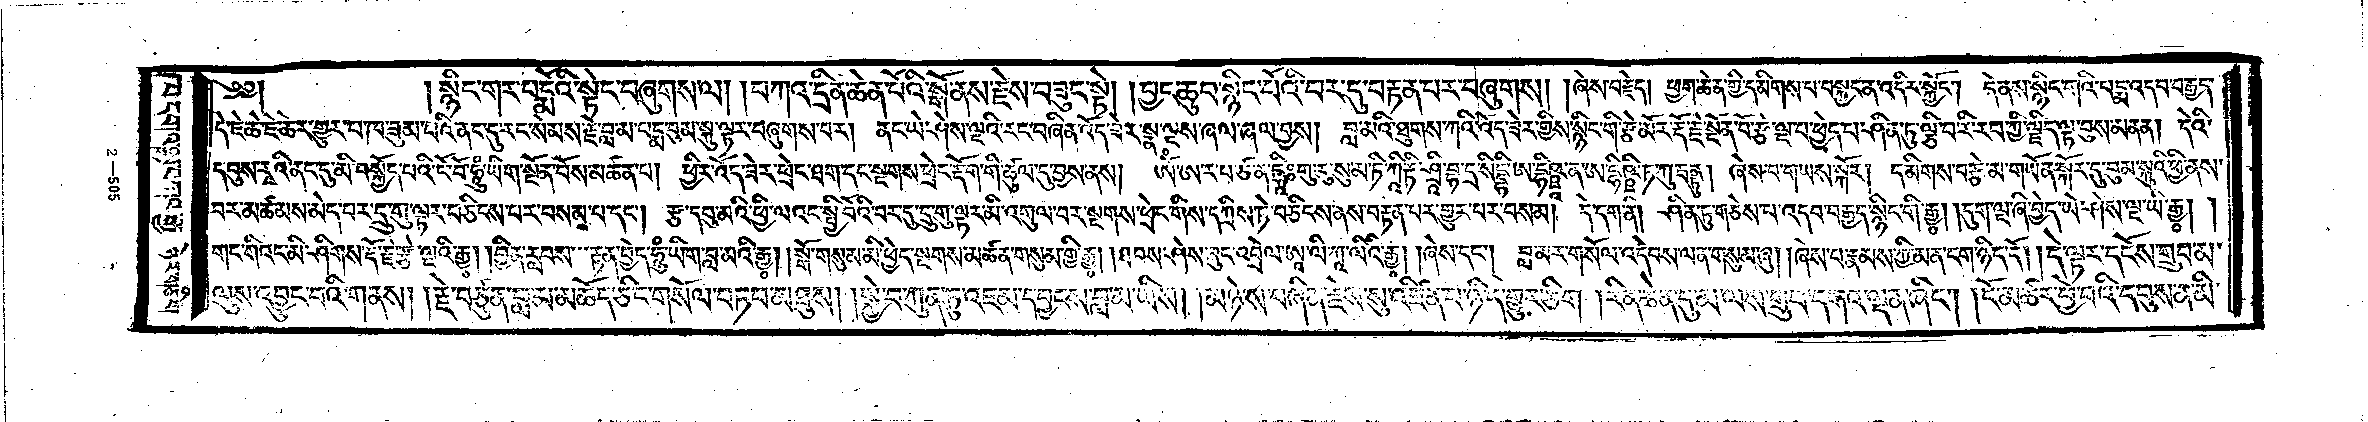༄༅། །སྙིང་གར་པདམོའི་སྟེང་བཞུགས་ལ། །བཀའ་དྲིན་ཆེན་པོའི་སྒོ་ནས་རྗེས་བཟུང་སྟེ། །བྱང་ཆུབ་སྙིང་པོའི་བར་དུ་བརྟན་པར་བཞུགས། །ཞེས་བརྗེད། ཕྱག་ཆེན་གྱི་དམིགས་པ་བསྐྱང་ན་འདིར་སྐྱོང་། དེ་ནས་སྙིང་གའི་པདམ་འདབ་བརྒྱད་
དེ་ཇེ་ཆེ་ཇེ་ཆེར་གྱུར་བ་ཁ་ཟུམ་པའི་ནང་དུ་རང་སེམས་རྗེ་བླ་མ་པདམ་བུམ་སྐུ་ལྟར་བཞུགས་པར། ནང་ཡེ་ཤེས་ལྔའི་རང་བཞིན་འོད་ཟེར་སྣ་ལྔས་ཞལ་ཞལ་བྱས། བླ་མའི་ཐུགས་ཀའི་འོད་ཟེར་གྱིས་སྙིང་གི་རྩེ་མོར་རྡོ་རྗེ་སྔོན་པོ་རྩེ་ལྔ་བ་ཕྱེད་པ་ཤིན་ཏུ་ལྕི་བ་རི་རབ་ཀྱི་ལྗིད་ལྟ་བུས་མནན། དེའི་
དབུས་རྭའི་ནང་དུ་མི་བསྐྱོད་པའི་ངོ་བོ་ཧཱུཾ་ཡིག་སྔོན་པོས་མཚན་པ། ཕྱིར་འོད་ཟེར་ཕྲེང་ཐག་དང་སྔགས་ཕྲེང་རྡོག་གི་ཚུལ་དུ་བྱས་ནས། ཨོཾ་ཨ་ར་པ་ཙ་ན་དྷཱིཿགུ་རུ་སུ་མ་ཏི་ཀཱི་རྩི་ཤྲཱི་བྷ་དྲི་སིདྡྷི་ཨ་དྷིཥཊཿཨཱ་ན་ཨ་དྷིཥཊཿཨི་ཏ་ཀུ་རྦནྟུ། ཞེས་བ་གཡས་སྐོར། དམིགས་བརྩེ་མ་གཡོན་སྐོར་དུ་བུམ་སྐུའི་ཕྱི་ནས་
བར་མཚམས་མེད་བར་དྲུ་གུ་ལྟར་བཅིངས་པར་བསམ་པ་དང་། རྩ་དབུ་མའི་ཕྱི་ལའང་སྤྱི་བོའི་བར་དུ་དྲུ་གུ་ལྟར་མི་འགུལ་བར་སྔགས་ཕྲེང་གིས་དཀྲིས་ཏེ་བཅིངས་ནས་བརྟན་པར་གྱུར་པར་བསམ། དེ་དག་ནི། ཤིན་ཏུ་གཅེས་པ་འདབ་བརྒྱད་སྙིང་གི་རྒྱུ྾། །དུག་ལྔ་ཞི་བྱེད་ཡེ་ཤེས་ལྔ་ཡི་རྒྱུ྾། །
གང་གིའང་མི་ཤིགས་རྡོ་རྗེ་རྩེ་ལྔའི་རྒ྾། །བྱིན་རླབས་རྟན་བྱེད་ཧཱུཾ་ཡིག་བླ་མའི་རྒྱ྾། །སྒོ་གསུམ་མི་ཕྱེད་སྔགས་མཚན་གསུམ་གྱི་རྒྱ྾། །ཐབས་ཤེས་ཟུང་འབྲེལ་ཨཱ་ལི་ཀཱ་ལིའི་རྒྱ྾། །ཞེས་དང་། བླ་མར་གསོལ་འདེབས་ལན་གསུམ་ཞུ། །ཞེས་པ་རྣམས་ཀྱི་མན་ངག་ཉིད་དོ། །དེ་ལྟར་དངོས་གྲུབ་མ་
ལུས་འབྱུང་བའི་གནས། །རྗེ་བཙུན་བླ་མ་མཆོད་ཅིང་གསོལ་བཏབ་མཐུས། །སྐྱེ་བ་ཀུན་ཏུ་འཇམ་དབྱངས་བླ་མ་ཡིས། །མཉེས་བཞིན་རྗེས་སུ་འཛིན་པ་ཉིད་གྱུར་ཅིག །རིན་ཆེན་དུ་མ་ལས་གྲུབ་དགའ་ལྡན་ཞིང་། །ངོ་མཚར་བྱེ་བའི་དབུས་ན་མི་